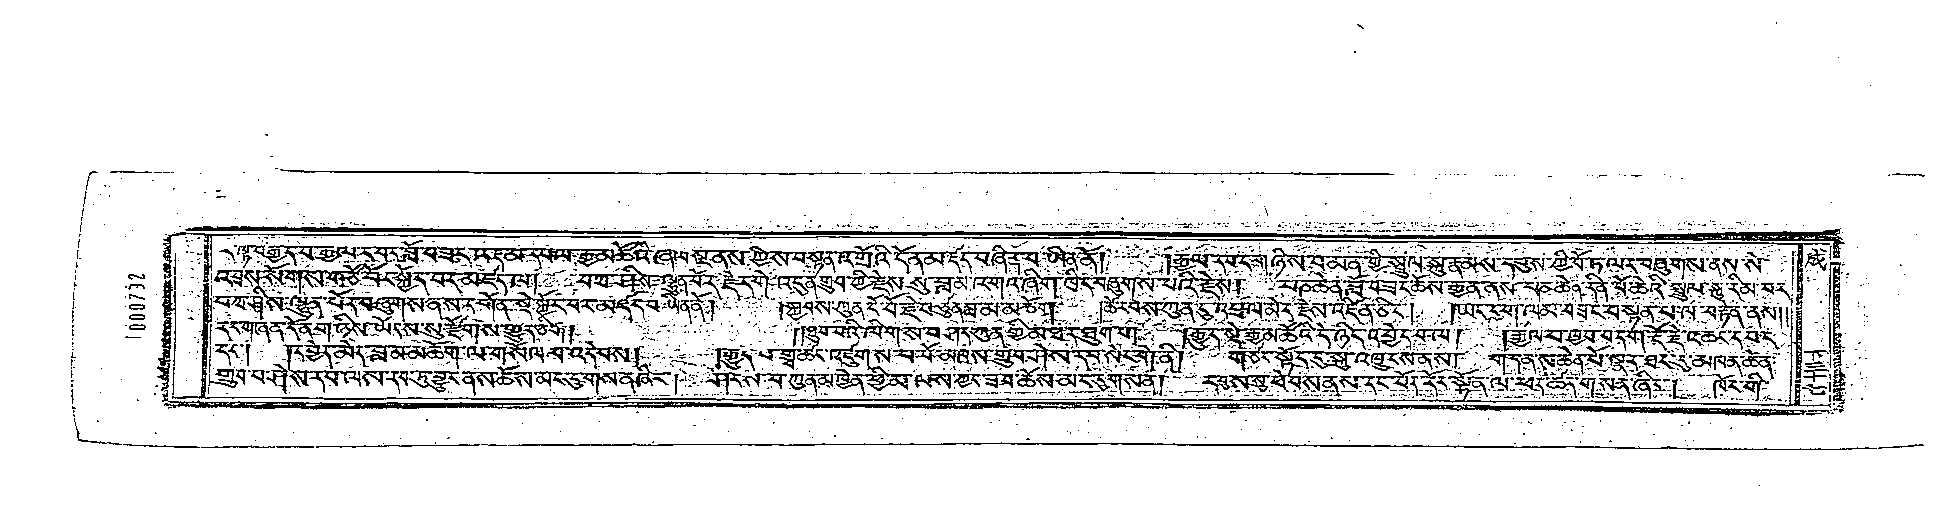ད་ལྟ་བརྒྱད་པ་རྒྱལ་དབང་བློ་བཟང་འཇམ་དཔལ་རྒྱ་མཚོའི་ཞལ་སྔ་ནས་ཀྱིས་བསྟན་འགྲོའི་དོན་མཛད་བཞིན་པ་ཡིན་ནོ། །རྒྱལ་དབང་གཉིས་པ་མན་གྱི་སྤྲུལ་སྐུ་རྣམས་དབུས་ཀྱི་པོ་ཏ་ལར་བཞུགས་ནས་སེ་
འབྲས་སོགས་གཙོ་བོར་སྐྱེད་བར་མཛད་ལ། བཀྲ་ཤིས་ལྷུན་པོར་རྗེ་དགེ་འདུན་གྲུབ་ཀྱི་རྗེས་སུ་བླ་མ་འགའ་ཞིག་ཁྲིད་བཞུགས་པའི་རྗེས། པཎ་ཆེན་བློ་བཟང་ཆོས་རྒྱན་ནས་པཎ་ཆེན་རིན་པོ་ཆེའི་སྤྲུལ་སྐུ་རིམ་བར་
བཀྲ་ཤིས་ལྷུན་པོར་བཞུགས་ནས་དགོན་སྡེ་སྐྱོང་བར་མཛད་བ་ཡིན་ནོ། །སྐྱབས་ཀུན་ངོ་བོ་རྗེ་བཙུན་བླ་མ་མཆོག །ཚེ་རབས་ཀུན་དུ་འབྲལ་མེད་རྗེས་འཛིན་ཅིང་། །ཡང་དག་ལམ་བཟང་བསྟན་པ་ལ་བརྟེན་ནས།།
རང་གཞན་དོན་གཉིས་ཡོངས་སུ་རྫོགས་གྱུར་ཅིག། །།ཐུབ་པའི་ལིགས་བཤད་ཀུན་གྱི་མཐར་ཐུག་པ། །རྒྱུད་སྡེ་རྒྱ་མཚོའི་དེ་ཉིད་འབྱེད་པ་ལ། །རྒྱལ་བ་ཁྱབ་བདག་རྡོ་རྗེ་འཆང་དབང་
དང་། །དབྱེར་མེད་བླ་མ་མཆོག་ལ་གསོལ་བ་འདེབས། །རྒྱུད་པ་གྲྭ་ཚང་འཛུགས་པ་པོ་མཁས་གྲུབ་ཤེས་རབ་སེང་གེ་ནི། གཙང་སྟོད་དུ་སྐུ་འཁྲུངས་ནས། གདན་ས་ཆེན་པོ་སྣར་ཐང་དུ་མཁན་ཆེན་
གྲུབ་པ་ཤེས་རབ་ལས་རབ་ཏུ་བྱུང་ནས་ཆོས་མང་དུ་གསན་ཞིང་། ཤངས་བ་ཀུན་མཁྱེན་ཕྱི་མ་ལས་ཀྱང་ཟབ་ཆོས་མང་དུ་གསན། དབུས་སུ་ཕེབས་ནས་དང་པོར་རོང་སྟོན་ལ་ཕར་ཚར་གསན་ཞིང་། ཁོང་གི་